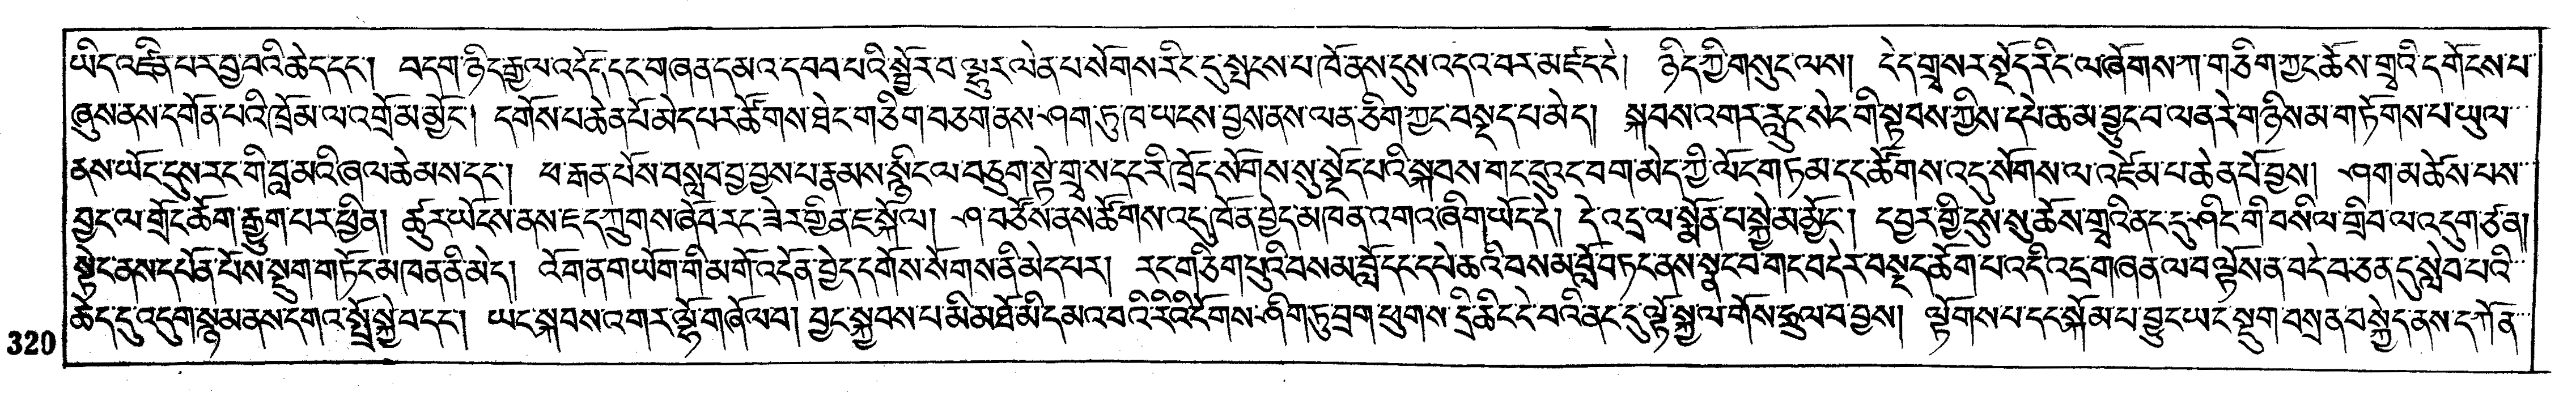ཡིད་འཛིན་པར་བྱ་བའི་ཆེད་དང་། བདག་ཉིད་རྒྱལ་འདོད་དང་གཞན་དམའ་དབབ་པའི་སྦྱོར་བ་ལྷུར་ལེན་པ་སོགས་རིང་དུ་སྤངས་པ་ཁོ་ནས་དུས་འདའ་བར་མཛད་དེ། ཉིད་ཀྱི་གསུང་ལས། ངེད་གྲྭ་སར་སྡོད་རིང་ལ་ཞོགས་ཀ་གཅིག་ཀྱང་ཆོས་གྲྭའི་དགོངས་པ་
ཞུས་ནས་དགོན་པའི་ཁྲོམ་ལ་འགྲོ་མ་མྱོང་། དགོས་པ་ཆེན་པོ་མེད་པར་ཚོགས་ཐེང་གཅིག་བཅག་ནས་ཤག་ཏུ་ཁ་ཡངས་བྱས་ནས་ལན་ཅིག་ཀྱང་བསྡད་པ་མེད། སྐབས་འགར་རླུང་སེང་གི་སྟབས་ཀྱིས་དཔེ་ཆ་མ་བྱུང་བ་ལན་རེ་གཉིས་མ་གཏོགས་ཕ་ཡུལ་
ནས་ཡོང་དུས་རང་གི་བླ་མའི་ཞལ་ཆེམས་དང་། ཕ་རྒན་པོས་བསླབ་བྱ་བྱས་པ་རྣམས་སྙིང་ལ་བཅུག་སྟེ་གྲྭ་ས་དང་རི་ཁྲོད་སོགས་སུ་སྡོད་བའི་སྐབས་གང་དུའང་བག་མེད་ཀྱི་ལོང་གཏམ་དང་ཚོགས་འདུ་སོགས་ལ་འཛེམ་པ་ཆེན་པོ་བྱས། ཤག་མཚེས་པས་
བྱང་ལ་གྲོང་ཆོག་རྒྱུག་པར་ཕྱིན། ཚུར་ཡོངས་ནས་ཇ་དཀྲུགས་ཞོབ་རང་ཟེར་གྱིན་ཇ་སྐོལ། ཤ་བཙོས་ནས་ཚོགས་འདུ་ཁོ་ན་བྱེད་མཁན་འགའ་ཞིག་ཡོད་དེ། དེ་འདྲ་ལ་སྨོན་པ་སྐྱེ་མ་མྱོང་། དབྱར་གྱི་དུས་སུ་ཆོས་གྲྭའི་ནང་དུ་ཤིང་གི་བསིལ་གྲིབ་ལ་འདུག་ཙན།
སྟེང་ནས་དཔོན་པོས་སྡུག་གཏོང་མཁན་ནི་མེད། འོག་ན་གཡོག་གི་མགོ་འདོན་བྱེད་དགོས་སོགས་ནི་མེད་པར། རང་གཅིག་པུའི་བསམ་བློ་དང་དབེ་ཆའི་བསམ་བློ་བཏང་ནས་སྣང་བ་གང་བདེར་བསྡད་ཆོག་པ་འདི་བྰྡྲ་གཞན་ལ་བལྟོས་ན་བདེ་བ་ཅན་དུ་སླེབ་པའི་
ཚོད་དུ་འདུག་སྙམ་ནས་དགའ་སྤྲོ་སྐྱེ་བ་དང་། ཡང་སྐབས་འགར་ལྷོ་གཞོལ་བ། བྱང་སྐྱབས་པ་མི་མཐོ་མི་དམའ་བའི་རིའི་ངོགས་ཤིག་ཏུ་བྲག་ཕུགས་དྲི་ཆིང་དེ་བའི་ནང་དུ་ལྟོ་སྐྱ་ལ་གོས་ཧྲུལ་བ་བྱས། ལྟོགས་པ་དང་སྐོམ་པ་བྱུང་ཡང་སྡུག་བསྲན་བསྐྱེད་ནས་དཀོན་